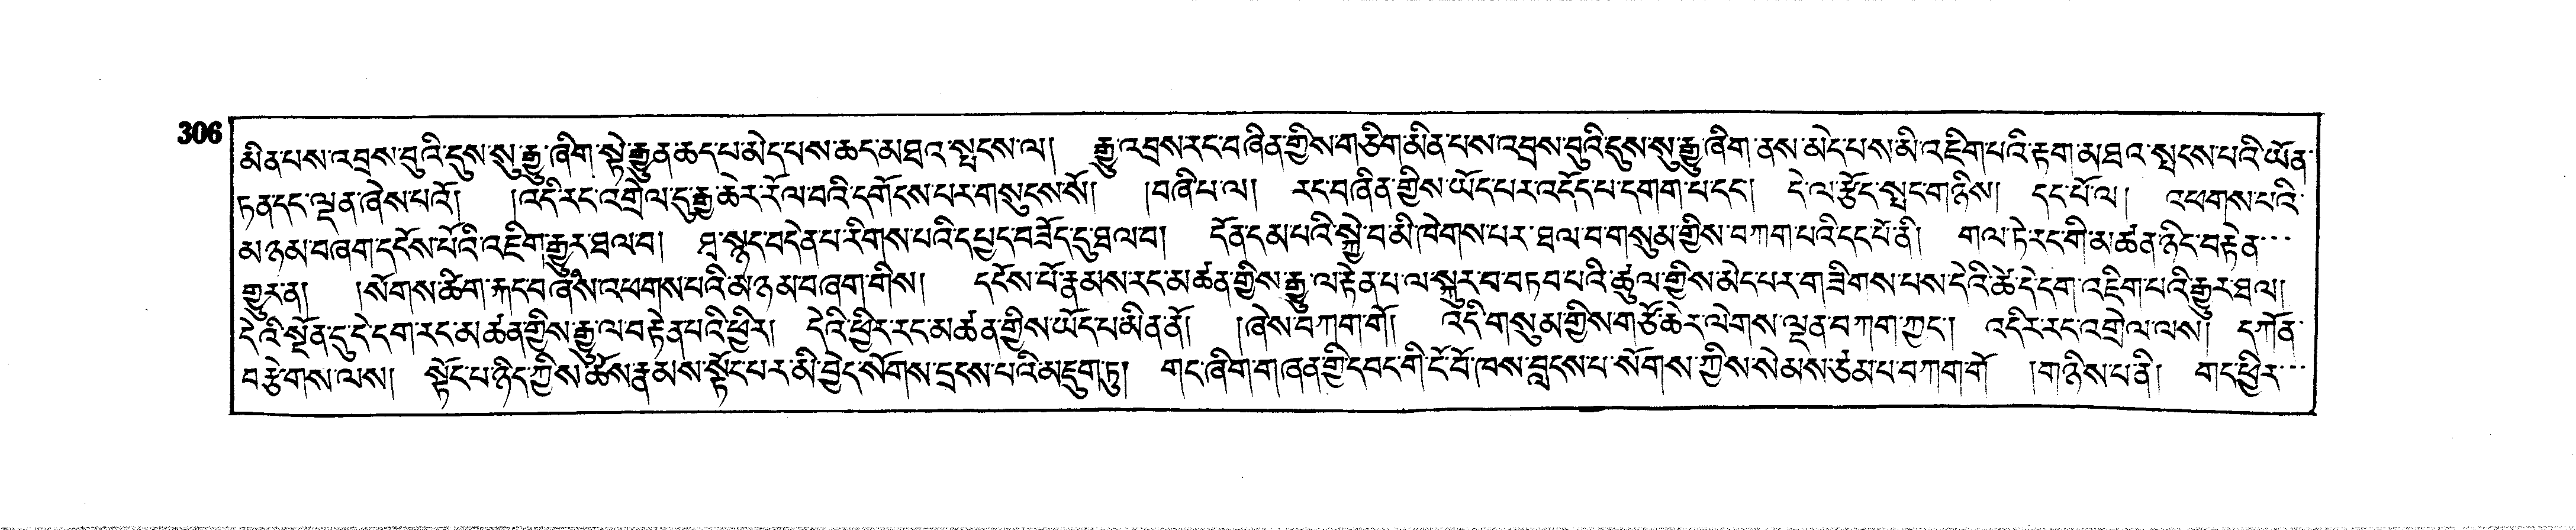མིན་པས་འབྲས་བུའི་དུས་སུ་རྒྱུ་ཞིག་སྟེ་རྒྱུན་ཆད་པ་མེད་པས་ཆད་མཐའ་སྤངས་ལ། རྒྱུ་འབྲས་རང་བཞིན་གྱིས་གཅིག་མིན་པས་འབྲས་བུའི་དུས་སུ་རྒྱུ་ཞིག་ནས་མེད་པས་མི་འཇིག་པའི་རྟག་མཐའ་སྤངས་པའི་ཡོན་
ཏན་དང་ལྡན་ཞེས་པའོ། །འདི་རང་འགྲེལ་དུ་རྒྱ་ཆེར་རོལ་བའི་དགོངས་པར་གསུངས་སོ། །བཞི་པ་ལ། རང་བཞིན་གྱིས་ཡོད་པར་འདོད་པ་དགག་པ་དང་། དེ་ལ་རྩོད་སྤང་གཉིས། དང་པོ་ལ། འཕགས་པའི་
མཉམ་བཞག་དངོས་པོའི་འཇིག་རྒྱུར་ཐལ་བ། ཐ་སྙད་བདེན་པ་རིགས་པའི་དཔྱད་བཟོད་དུ་ཐལ་བ། དོན་དམ་པའི་སྐྱེ་བ་མི་ཁེགས་པར་ཐལ་བ་གསུམ་གྱིས་བཀག་པའི་དང་པོ་ནི། གལ་ཏེ་རང་གི་མཚན་ཉིད་བརྟེན་
གྱུར་ན། །སོགས་ཚིག་རྐང་བཞིས་འཕགས་པའི་མཉམ་བཞག་གིས། དངོས་པོ་རྣམས་རང་མཚན་གྱིས་རྒྱུ་ལ་རྟེན་པ་ལ་སྐུར་བ་བཏབ་པའི་ཚུལ་གྱིས་མེད་པར་གཟིགས་པས་དེའི་ཚེ་དེ་དག་འཇིག་པའི་རྒྱུར་ཐལ།
དེའི་སྔོན་དུ་དེ་དག་རང་མཚན་གྱིས་རྒྱུ་ལ་བརྟེན་པའི་ཕྱིར། དེའི་ཕྱིར་རང་མཚན་གྱིས་ཡོད་པ་མིན་ནོ། །ཞེས་བཀག་གོ། འདི་གསུམ་གྱིས་གཙོ་ཆེར་ལེགས་ལྡན་བཀག་ཀྱང་། འདིར་རང་འགྲེལ་ལས། དཀོན་
བརྩེགས་ལས། སྟོང་པ་ཉིད་ཀྱིས་ཆོས་རྣམས་སྟོང་པར་མི་བྱེད་སོགས་དྲངས་པའི་མཇུག་ཏུ། གང་ཞིག་གཞན་གྱི་དབང་གི་ངོ་བོ་ཁས་བླངས་པ་སོགས་ཀྱིས་སེམས་ཙམ་པ་བཀག་གོ །གཉིས་པ་ནི། གང་ཕྱིར་